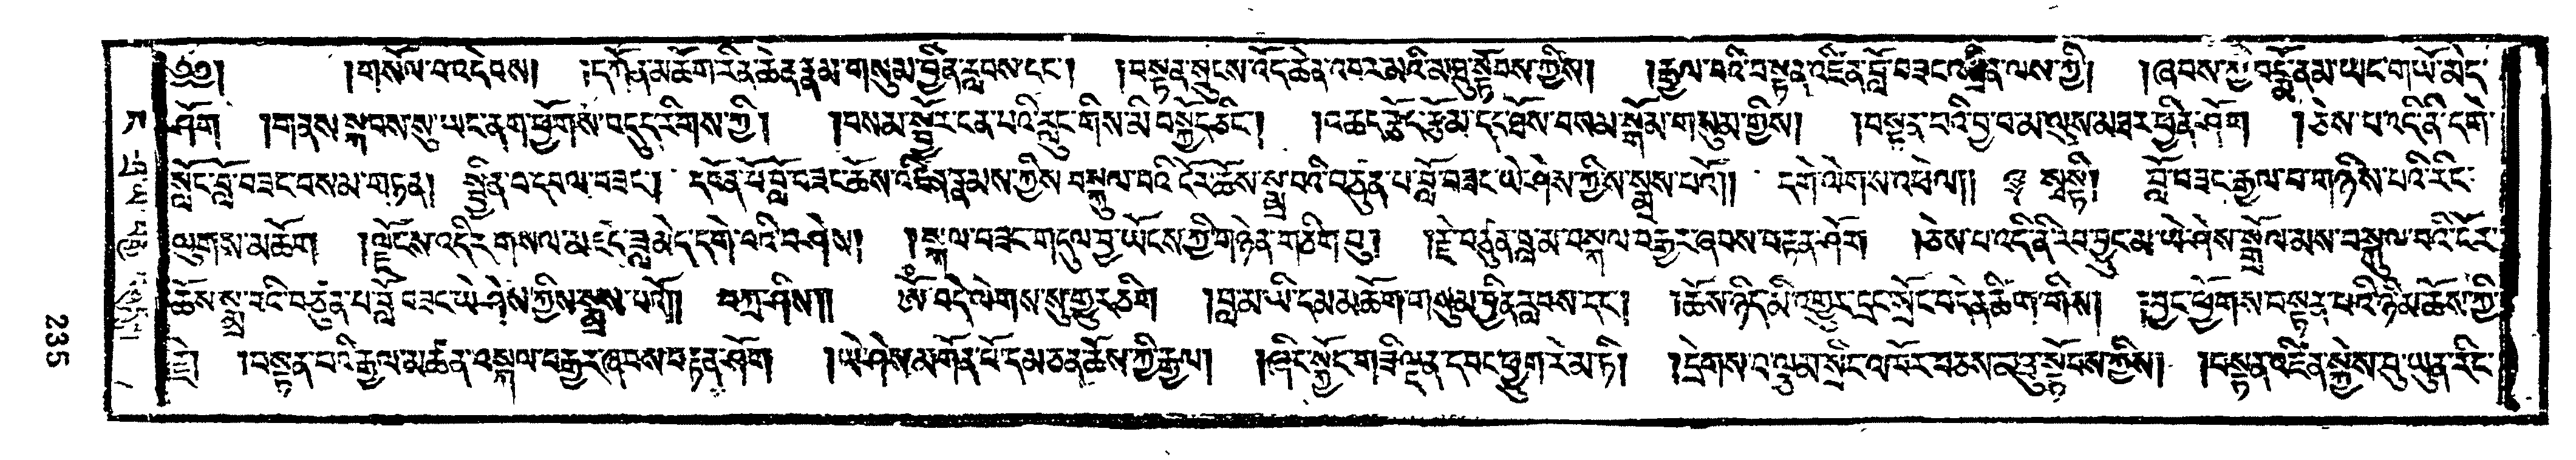༄༅། །གསོལ་བ་འདེབས། །དཀོན་མཆོག་རིན་ཆེན་རྣམ་གསུམ་བྱིན་རླབས་དང་། །བསྟན་སྲུངས་འོད་ཆེན་འབར་མའི་མཐུ་སྟོབས་ཀྱིས། །རྒྱལ་བའི་བསྟན་འཛིན་བློ་བཟང་འཕྲིན་ལས་ཀྱི། །ཞབས་ཀྱི་པདམོ་ནམ་ཡང་གཡོ་མེད་
ཤོག །གནས་སྐབས་སུ་ཡང་ནག་ཕྱོགས་བདུད་རིགས་ཀྱི། །བསམ་སྦྱོར་ངན་པའི་རླུང་གིས་མི་བསྐྱོད་ཅིང་། །འཆད་རྩོད་རྩོམ་དང་ཐོས་བསམ་སྒོམ་གསུམ་གྱིས། །བསྟན་པའི་བྱ་བ་མ་ལུས་མཐར་ཕྱིན་ཤོག །ཅེས་པ་འདི་ནི་དགེ་
སློང་བློ་བཟང་བསམ་གཏན། སྦྱིན་བ་དབལ་བཟང་། དབོན་པོ་བློ་བཟང་ཆོས་འཛིན་རྣམས་ཀྱིས་བསྐུལ་བའི་ངོར་ཆོས་སྨྲ་བའི་བཙུན་པ་བློ་བཟང་ཡེ་ཤེས་ཀྱིས་སྨྲས་པའོ།། དགེ་ལེགས་འཕེལ།། ༈ སྭསྟི། བློ་བཟང་རྒྱལ་བ་གཉིས་པའི་རིང་
ལུགས་མཆོག །ལྗོངས་འདིར་གསལ་མཛད་ཟླ་མེད་དགེ་བའི་བཤེས། །སྐལ་བཟང་གདུལ་བྱ་ཡོངས་ཀྱི་གཉེན་གཅིག་པུ། །རྗེ་བཙུན་བླ་མ་བསྐལ་བརྒྱར་ཞབས་བརྟན་ཤོག །ཅེས་པ་འདི་ནི་རབ་བྱུང་མ་ཡེ་ཤེས་སྒྲོལ་མས་བསྐུལ་བའི་ངོར་
ཆོས་སྨྲ་བའི་བཙུན་པ་བློ་བཟང་ཡེ་ཤེས་ཀྱིས་སྨྲས་པའོ།། བཀྲ་ཤིས།། ཨོཾ་བདེ་ལེགས་སུ་གྱུར་ཅིག །བླ་མ་ཡི་དམ་མཆོག་གསུམ་བྱིན་རླབས་དང་། །ཆོས་ཉིད་མི་འགྱུར་དྲང་སྲོང་བདེན་ཚིག་གིས། །བྱང་ཕྱོགས་བསྟན་པའི་ཉི་མ་ཆོས་ཀྱི་
རྗེ། །བསྟན་བའི་རྒྱལ་མཚན་བསྐལ་བརྒྱར་ཞབས་བརྟན་ཤོག །ཡེ་ཤེས་མགོན་པོ་དམ་ཅན་ཆོས་ཀྱི་རྒྱལ། །ཞིང་སྐྱོང་གཟི་ལྡན་དབང་ཕྱུག་རེ་མ་ཏི། །དྲེགས་བ་ལྕམ་སྲིང་འཁོར་བཅས་མཐུ་སྟོབས་ཀྱིས། །བསྟན་འཛིན་སྐྱེས་བུ་ཡུན་རིང་